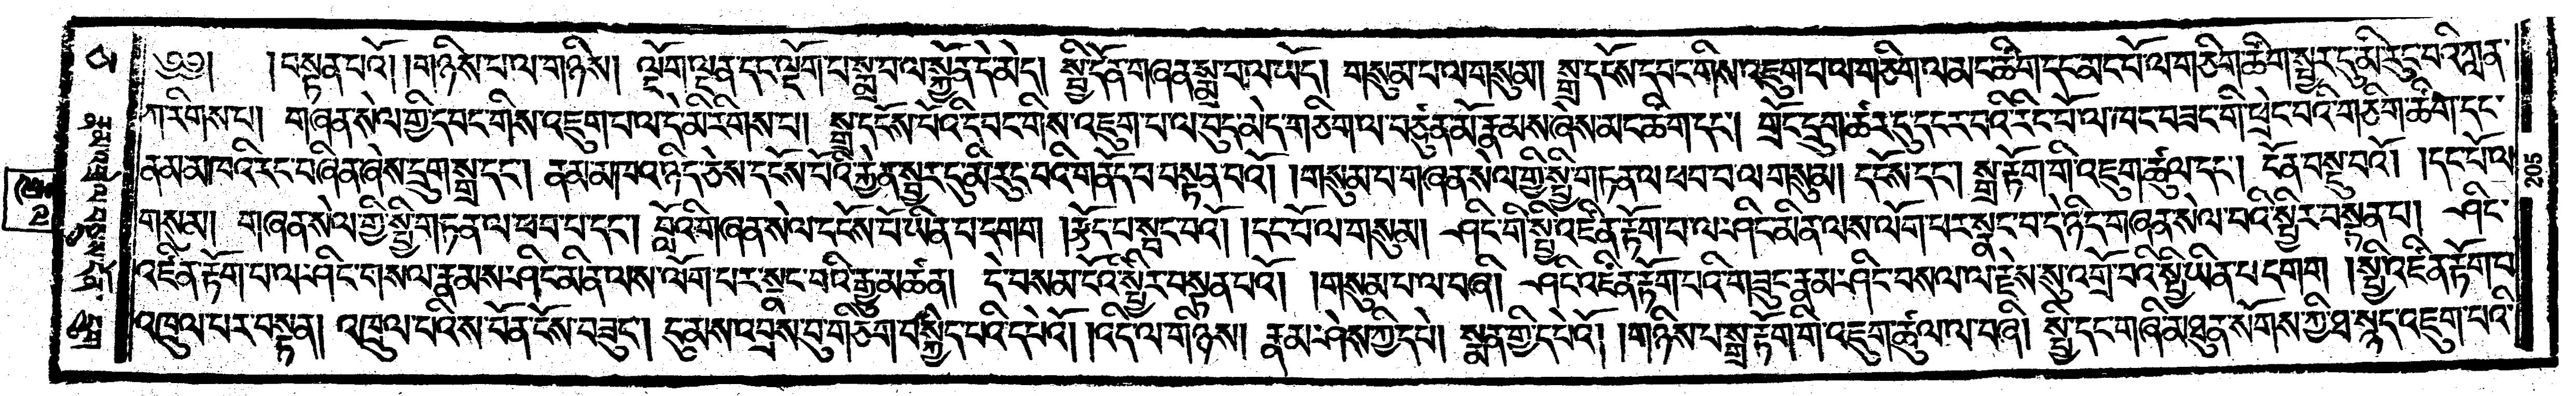༄༅། །བསྟན་པའོ། །གཉིས་པ་ལ་གཉིས། ལྡོག་ལྡན་དང་ལྡོག་པ་སྨྲ་བ་ལ་སྐྱོན་དེ་མེད། སྤྱི་དོན་གཞན་སྨྲ་བ་ལ་ཡོད། གསུམ་པ་ལ་གསུམ། སྒྲ་དངོས་དབང་གིས་འཇུག་པ་ལ་གཅིག་ལ་མང་ཚིག་དང་མང་པོ་ལ་གཅིག་ཚིག་སྦྱར་དུ་མི་རུང་བའི་ཀླན་
ཀ་རིགས་པ། གཞན་སེལ་གྱི་དབང་གིས་འཇུག་པ་ལ་དེ་མི་རིགས་པ། སྒྲ་དངོས་པོའི་དབང་གིས་འཇུག་པ་ལ་བུད་མེད་གཅིག་ལ་བཙུན་མོ་རྣམས་ཞེས་མང་ཚིག་དང་། གྲོང་དྲུག་ཚར་དུ་དངར་བའི་རིང་པོ་ལ་ཁང་བཟང་གི་ཕྲེང་བའི་གཅིག་ཚིག་དང་
ནམ་མཁའི་རང་བཞིན་ཞེས་དྲུག་སྒྲ་དང་། ནམ་མཁའ་ཉིད་ཅེས་དངོས་པོའི་རྐྱེན་སྦྱར་དུ་མི་རུང་བའི་གནོད་པ་བསྟན་པའོ། །གསུམ་པ་གཞན་སེལ་གྱི་སྤྱི་གཏན་ལ་ཕབ་པ་ལ་གསུམ། དངོས་དང་། སྒྲ་རྟོག་གི་འཇུག་ཚུལ་དང་། དོན་བསྡུ་བའོ། །དང་པོ་ལ་
གསུམ། གཞན་སེལ་གྱི་སྤྱི་གཏན་ལ་ཕབ་པ་དང་། བློའི་གཞན་སེལ་དངོས་པོ་ཡིན་པ་དགག །རྩོད་པ་སྤང་བའོ། །དང་པོ་ལ་གསུམ། ཤིང་གི་སྤྱི་འཛིན་རྟོག་པ་ལ་ཤིང་མིན་ལས་ལོག་པར་སྣང་བ་དེ་ཉིད་གཞན་སེལ་བའི་སྤྱིར་བསྟན་པ། ཤིང་
འཛིན་རྟོག་པ་ལ་ཤིང་གསལ་རྣམས་ཤིང་མིན་ལས་ལོག་པར་སྣང་བའི་རྒྱུ་མཚན། དེ་བསམ་ངོའི་སྤྱིར་བསྟན་པའོ། །གསུམ་པ་ལ་བཞི། ཤིང་འཛིན་རྟོག་པའི་གཟུང་རྣམ་ཤིང་བསལ་ལ་རྗེས་སུ་འགྲོ་བའི་སྤྱི་ཡིན་པ་དགག །སྤྱི་འཛིན་རྟོག་པ་
འཁྲུལ་པར་བསྟན། འཁྲུལ་པའི་ས་བོན་ངོས་བཟུང་། དུ་མས་འབྲས་བུ་གཅིག་བསྐྱེད་པའི་དཔེའོ། །འདི་ལ་གཉིས། རྣམ་ཤེས་ཀྱི་དཔེ། སྨན་གྱི་དཔེའོ། །གཉིས་པ་སྒྲ་རྟོག་གི་འཇུག་ཚུལ་ལ་བཞི། སྤྱི་དང་གཞི་མཐུན་སོགས་ཀྱི་ཐ་སྙད་འཇུག་པའི་